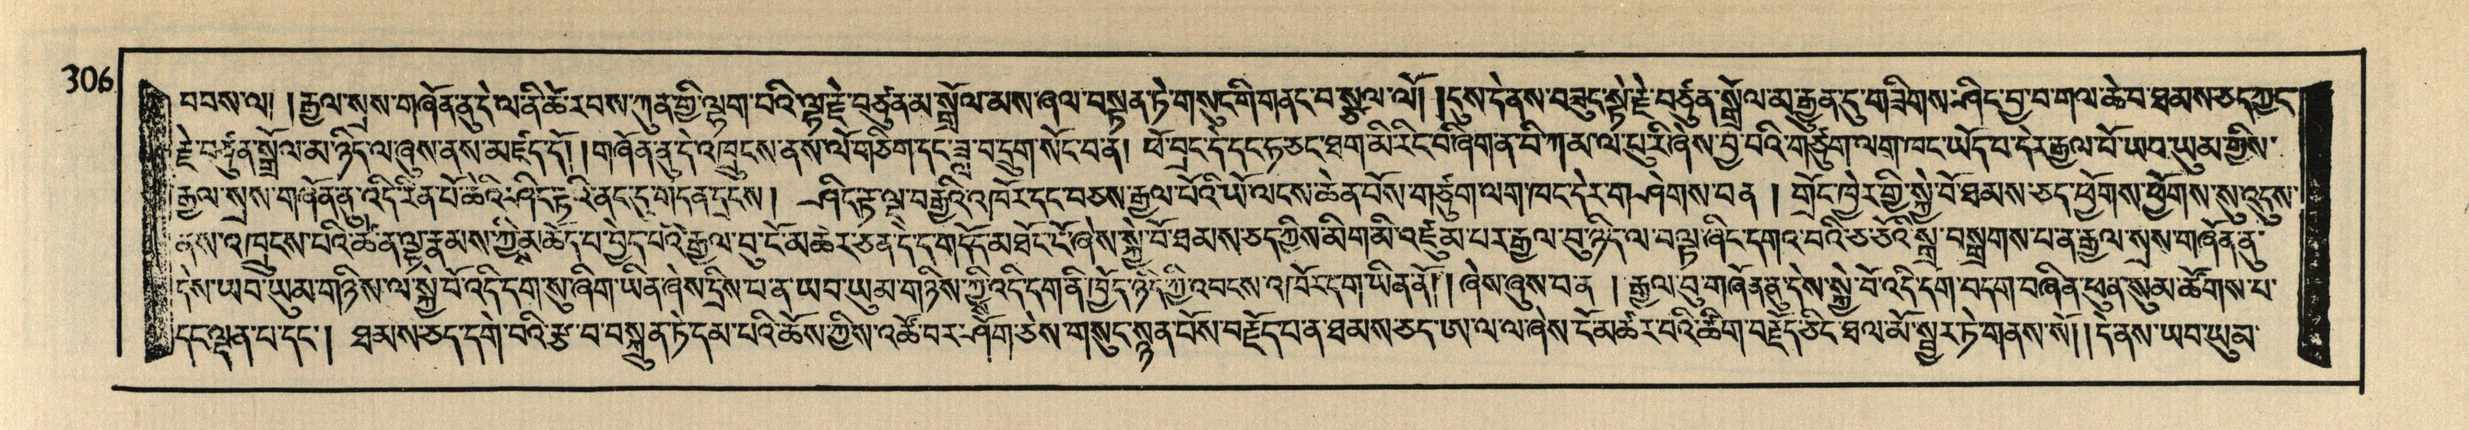བབས་ལ། རྒྱལ་སྲས་གཞོན་ནུ་དེ་ལ་ནི་ཚེ་རབས་ཀུན་གྱི་ལྷག་བའི་ལྷ་རྗེ་བཙུན་མ་སྒྲོལ་མས་ཞལ་བསྟན་ཏེ་གསུང་གི་གནང་བ་སྩལ་ལོ། །དུས་དེ་ནས་བཟུང་སྟེ་རྗེ་བཙུན་སྒྲོལ་མ་རྒྱུན་དུ་གཟིགས་ཤིང་བྱ་བ་གལ་ཆེ་བ་ཐམས་ཅད་ཀྱང་
རྗེ་བཙུན་སྒྲོལ་མ་ཉིད་ལ་ཞུས་ནས་མཛད་དོ། །གཞོན་ནུ་དེ་འཁྲུངས་ནས་ལོ་གཅིག་དང་ཟླ་བ་དྲུག་སོང་བ་ན། ཕོ་བྲང་དེ་དང་ཧ་ཅང་ཐག་མི་རིང་བ་ཞིག་ན་བི་ཀ་མ་ལ་པུ་རི་ཞེས་བྱ་བའི་གཙུག་ལག་ཁང་ཡོད་པ་དེར་རྒྱལ་པོ་ཡབ་ཡུམ་གྱིས་
རྒྱལ་སྲས་གཞོན་ནུ་འདི་རིན་པོ་ཆེའི་ཤིང་རྟའི་ནང་དུ་གདན་དྲངས། ཤིང་རྟ་ལྔ་བརྒྱའི་འཁོར་དང་བཅས་རྒྱལ་པོའི་ཡོ་ལངས་ཆེན་པོས་གཙུག་ལག་ཁང་དེར་གཤེགས་བ་ན། གྲོང་ཁྱེར་གྱི་སྐྱེ་བོ་ཐམས་ཅད་ཕྱོགས་ཕྱོགས་སུ་འདུས་
ནས་འཁྲུངས་པའི་ཚེ་ན་ལྷ་རྣམས་ཀྱིས་མཆོད་པ་བྱེད་པའི་རྒྱལ་བུ་ངོ་མཚར་ཅན་དེ་ད་གདོད་མཐོང་ངོ་ཞེས་སྐྱེ་བོ་ཐམས་ཅད་ཀྱིས་མིག་མི་འཛུམ་པར་རྒྱལ་བུ་ཉིད་ལ་བལྟ་ཞིང་དགའ་བའི་ཅ་ཅོའི་སྒྲ་བསྒྲགས་པ་ན་རྒྱལ་སྲས་གཞོན་ནུ་
དེས་ཡབ་ཡུམ་གཉིས་ལ་སྐྱེ་བོ་འདི་དག་སུ་ཞིག་ཡིན་ཞེས་དྲིས་པ་ན་ཡབ་ཡུམ་གཉིས་ཀྱིས་འདི་དག་ནི་ཁྱོད་ཉིད་ཀྱི་འབངས་འཁོར་དག་ཡིན་ནོ། །ཞེས་ཞུས་བ་ན་།རྒྱལ་བུ་གཞོན་ནུ་དེས་སྐྱེ་བོ་འདི་དག་བདག་བཞིན་ཕུན་སུམ་ཚོགས་པ་
དང་ལྡན་པ་དང་། ཐམས་ཅད་དགེ་བའི་རྩ་བ་བསྐྲུན་ཏེ་དམ་པའི་ཆོས་ཀྱིས་འཚོ་བར་ཤོག་ཅེས་གསུང་སྙན་པོས་བརྗོད་པ་ན་ཐམས་ཅད་ཨ་ལ་ལ་ཞེས་ངོ་མཚར་བའི་ཚིག་བརྗོད་ཅིང་ཐལ་མོ་སྦྱར་ཏེ་གནས་སོ། །དེ་ནས་ཡབ་ཡུམ་